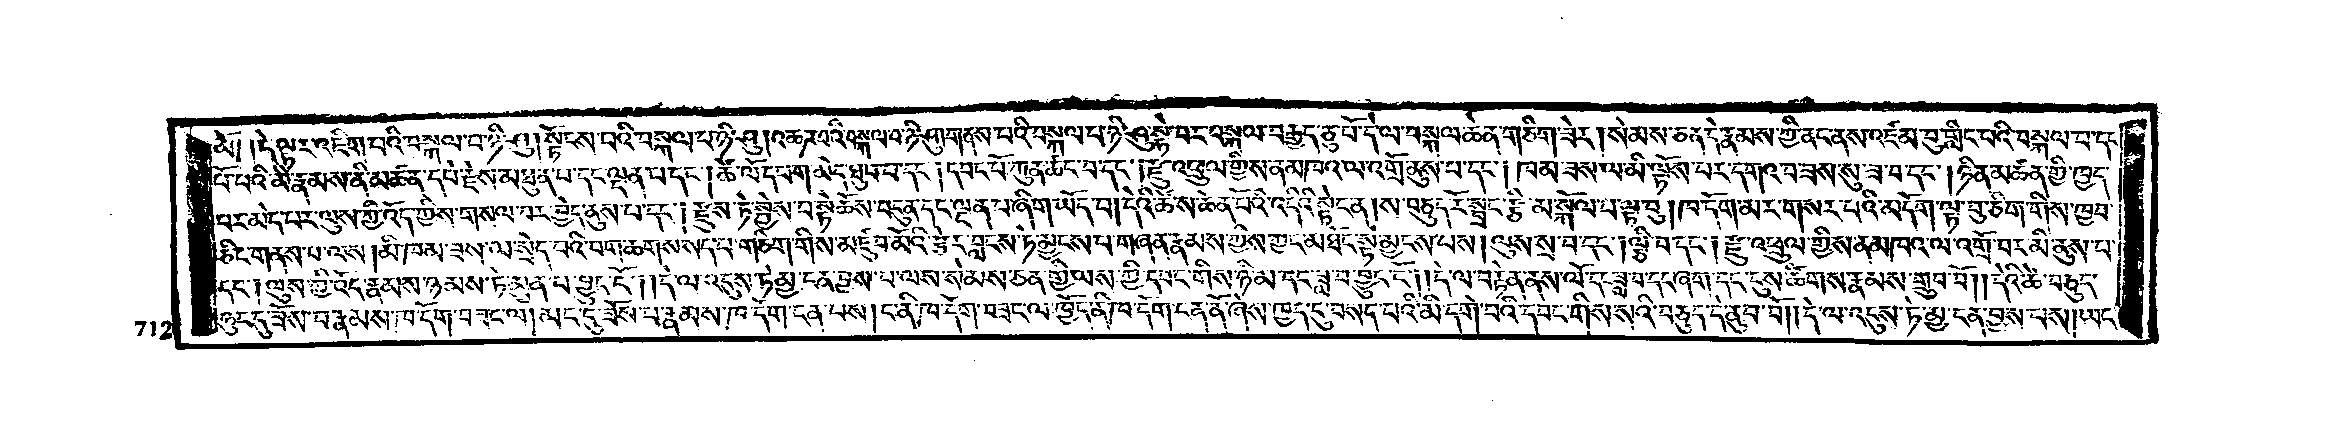མོ། །དེ་ལྟར་འཇིག་པའི་བསྐལ་པ་ཉི་ཤུ། སྟོངས་པའི་བསྐལ་པ་ཉི་ཤུ། འཆར་བའི་བསྐལ་པ་ཉི་ཤུ། གནས་པའི་བསྐལ་པ་ཉི་ཤུ་སྟེ་བར་བསྐལ་བརྒྱད་ཅུ་པོ་དེ་ལ་བསྐལ་ཆེན་གཅིག་ཟེར། སེམས་ཅན་དེ་རྣམས་ཀྱི་ནང་ནས་འཛམ་བུ་གླིང་པའི་བསྐལ་པ་དང་
པོ་པའི་མི་རྣམས་ནི་མཚན་དཔེ་རྗེས་མཐུན་པ་དང་ལྡན་པ་དང་། ཚེ་ལོ་དཔག་མེད་ཐུབ་པ་དང་། དབང་པོ་ཀུན་ཚང་བ་དང་། རྫུ་འཕྲུལ་གྱིས་ནམ་མཁའ་ལ་འགྲོ་ནུས་པ་དང་། ཁམ་ཟས་ལ་མི་ལྟོས་པར་དགའ་བ་ཟས་སུ་ཟ་བ་དང་། ཉིན་མཚན་གྱི་ཁྱད་
པར་མེད་པར་ལུས་ཀྱི་འོད་ཀྱིས་གསལ་བར་བྱེད་ནུས་པ་དང་། རྫུས་ཏེ་སྐྱེས་པ་སྟེ་ཆོས་བདུན་དང་ལྡན་པ་ཞིག་ཡོད་པ། དེའི་ཚེ་ས་ཆེན་པོའི་འདིའི་སྟེང་ན། ས་བཅུད་རོ་སྦྲང་རྩི་མ་སྐོལ་བ་ལྟ་བུ། ཁ་དོག་མར་གསར་པའི་མདོག་ལྟ་བུ་ཅིག་གིས་ཁྱབ་
ཅིང་གནས་པ་ལས། མི་ཁམ་ཟས་ལ་སྲེད་པའི་བག་ཆགས་སད་པ་གཅིག་གིས་མཛུབ་མོའི་རྩེར་བླངས་ཏེ་མྱངས་པ་གཞན་རྣམས་ཀྱིས་ཀྱང་མཐོང་སྟེ་མྱངས་པས། ལུས་སྲ་བ་དང་། ལྕི་བ་དང་། རྫུ་འཕྲུལ་གྱིས་ནམ་མཁའ་ལ་འགྲོ་བར་མི་ནུས་པ་
དང་། ལུས་ཀྱི་འོད་རྣམས་ཉམས་ཏེ་མུན་པ་བྱུང་ངོ། །དེ་ལ་འདུས་ཏེ་མྱ་ངན་བྱས་པ་ལས་སེམས་ཅན་གྱི་ལས་ཀྱི་དབང་གིས་ཉི་མ་དང་ཟླ་བ་བྱུང་ངོ། །དེ་ལ་བརྟེན་ནས་ལོ་དང་ཟླ་བ་དང་ཞག་དང་དུས་ཚིགས་རྣམས་གྲུབ་བོ། །དེའི་ཚེ་བཅུད་
ཉུང་དུ་ཟོས་པ་རྣམས་ཁ་དོག་བཟང་ལ། མང་དུ་ཟོས་པ་རྣམས་ཁ་དོག་ངན་པས། ང་ནི་ཁ་དོག་བཟང་ལ་ཁྱོད་ནི་ཁ་དོག་ངན་ནོ་ཞེས་ཁྱད་དུ་བསད་པའི་མི་དགེ་བའི་དབང་གིས་སའི་བཅུད་དེ་ནུབ་བོ། །དེ་ལ་འདུས་ཏེ་མྱ་ངན་བྱས་པས། ཡང་